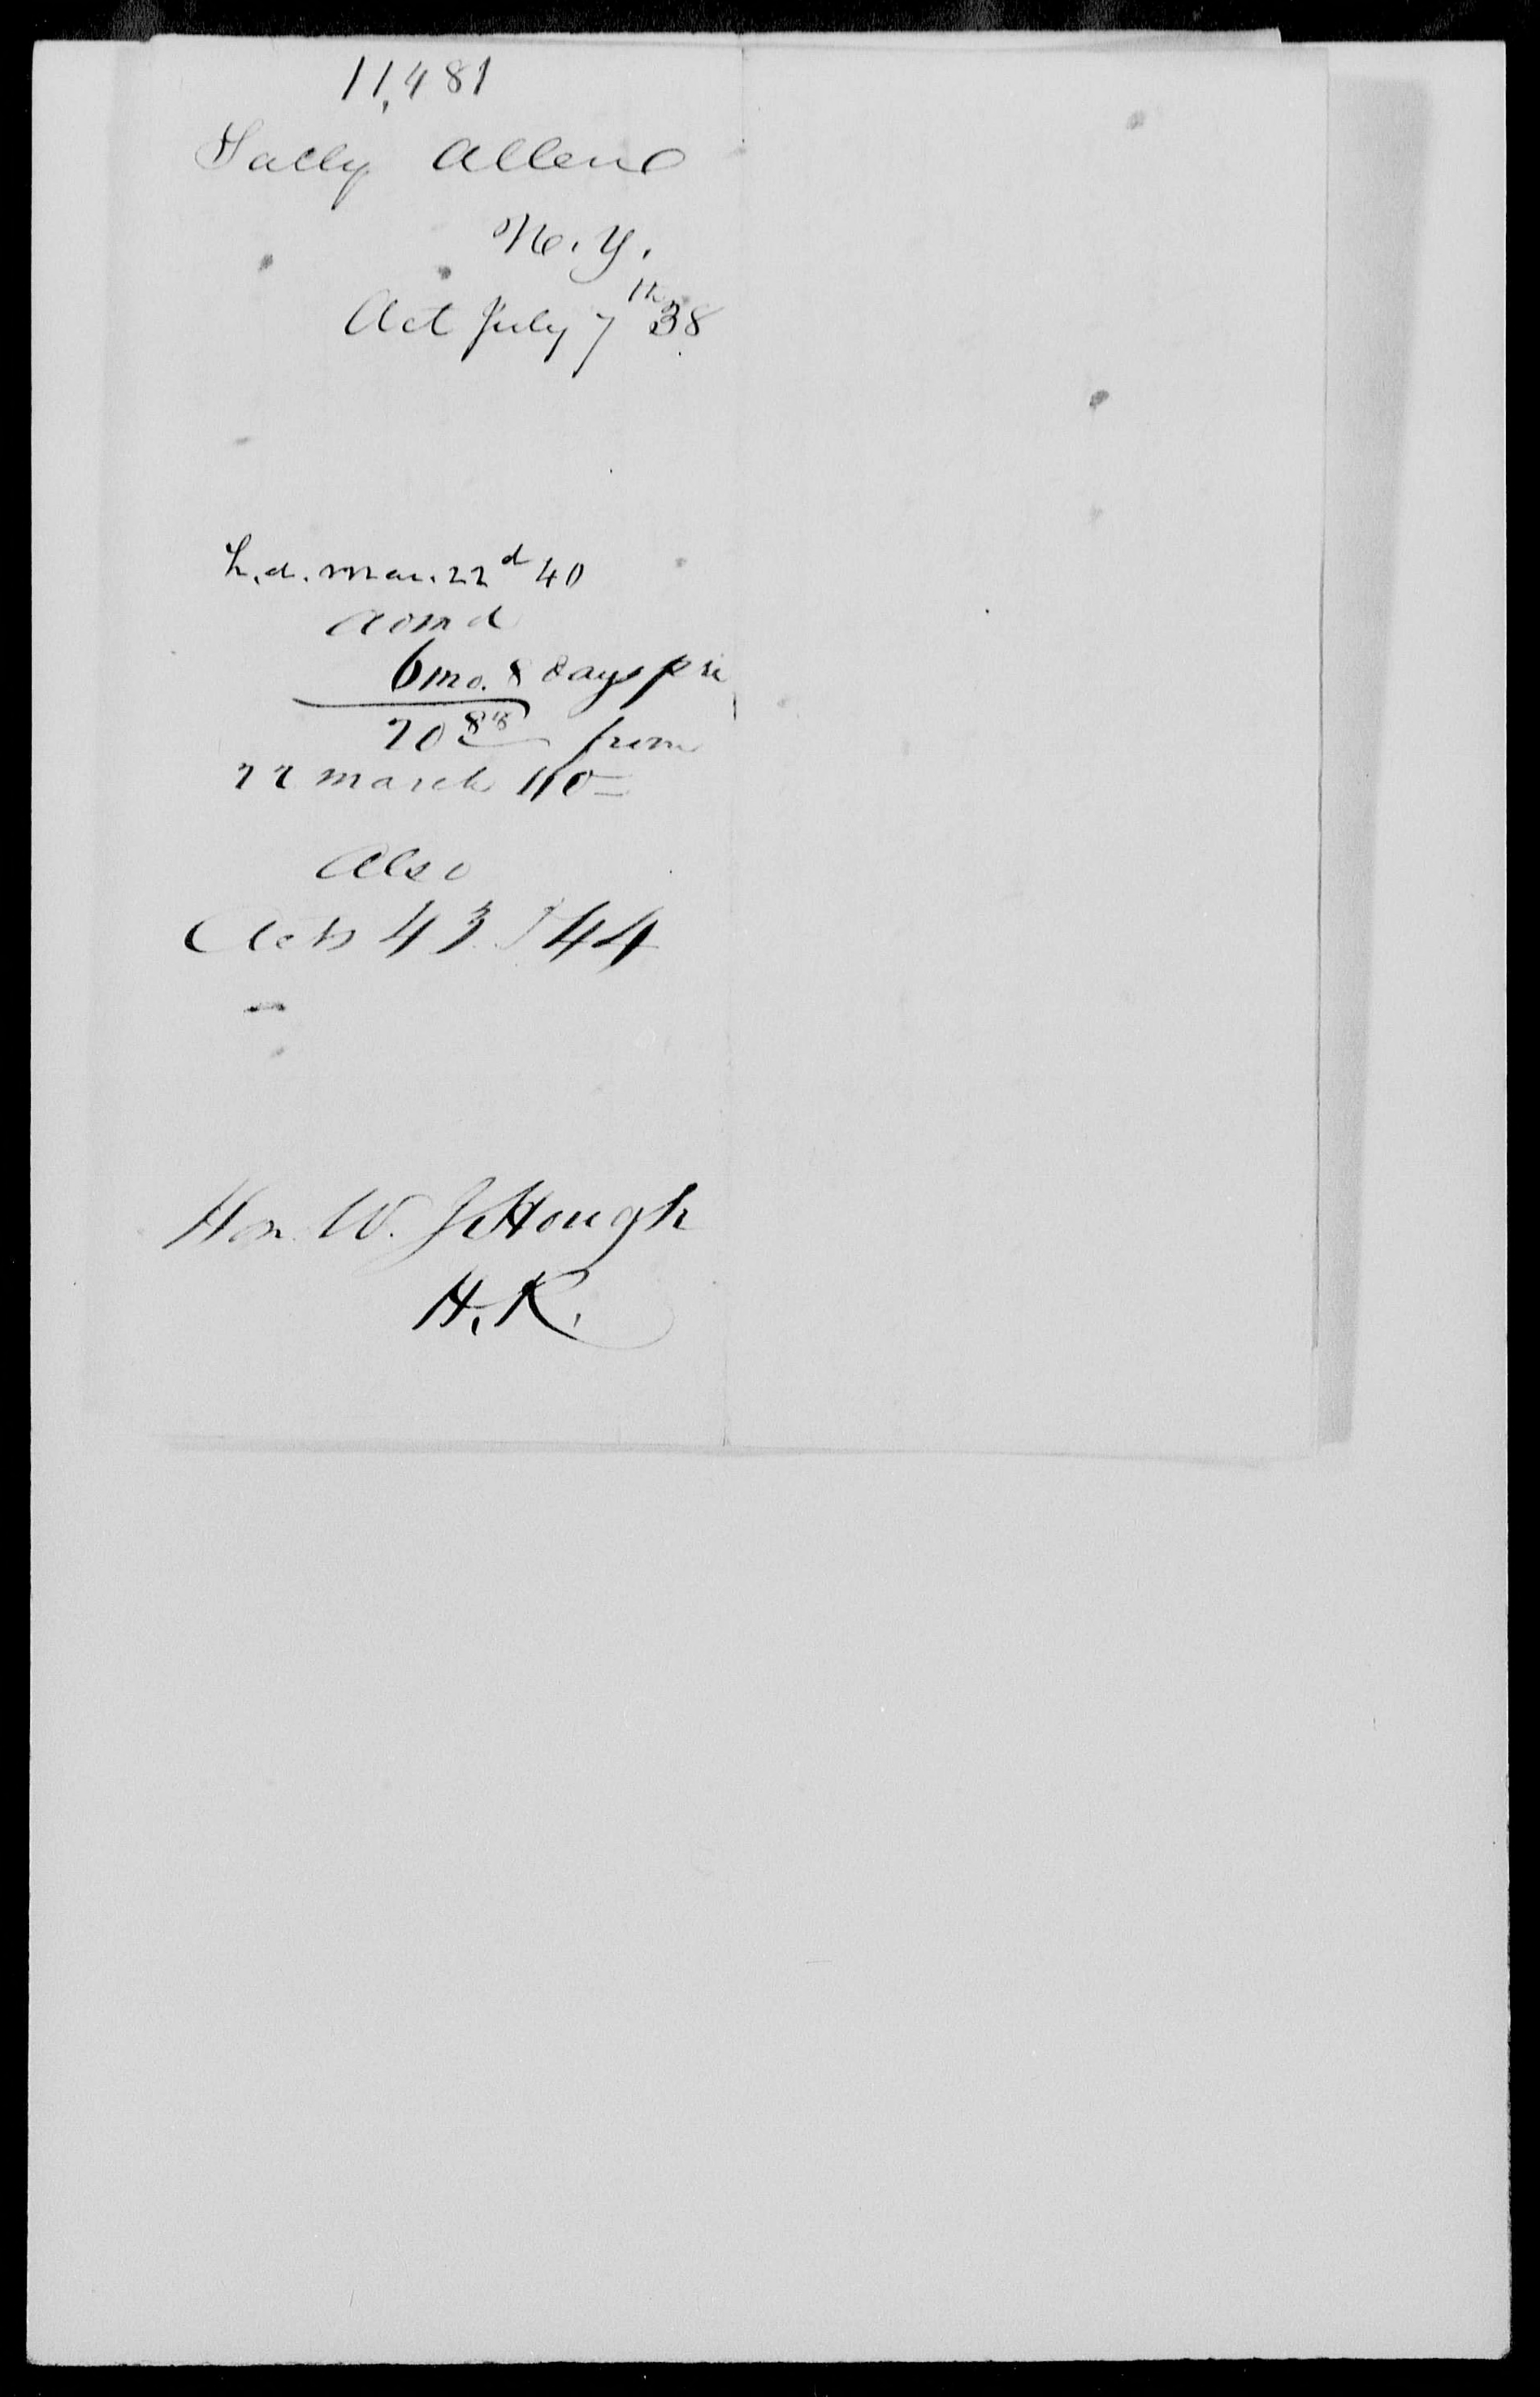11481
Sally Allen
N. Y.
Act July 7th 38
[illegible] Mar 22d 40
aomd
6 mo. 8 days pri
20.88 from
11 March 40
Also
Acts 43 & 44
Hon W.J. Hough
H. R.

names: Sally Allen, W J Hough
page: 14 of 74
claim: widow's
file: W. 23424, John Allen, Mass. R. I.